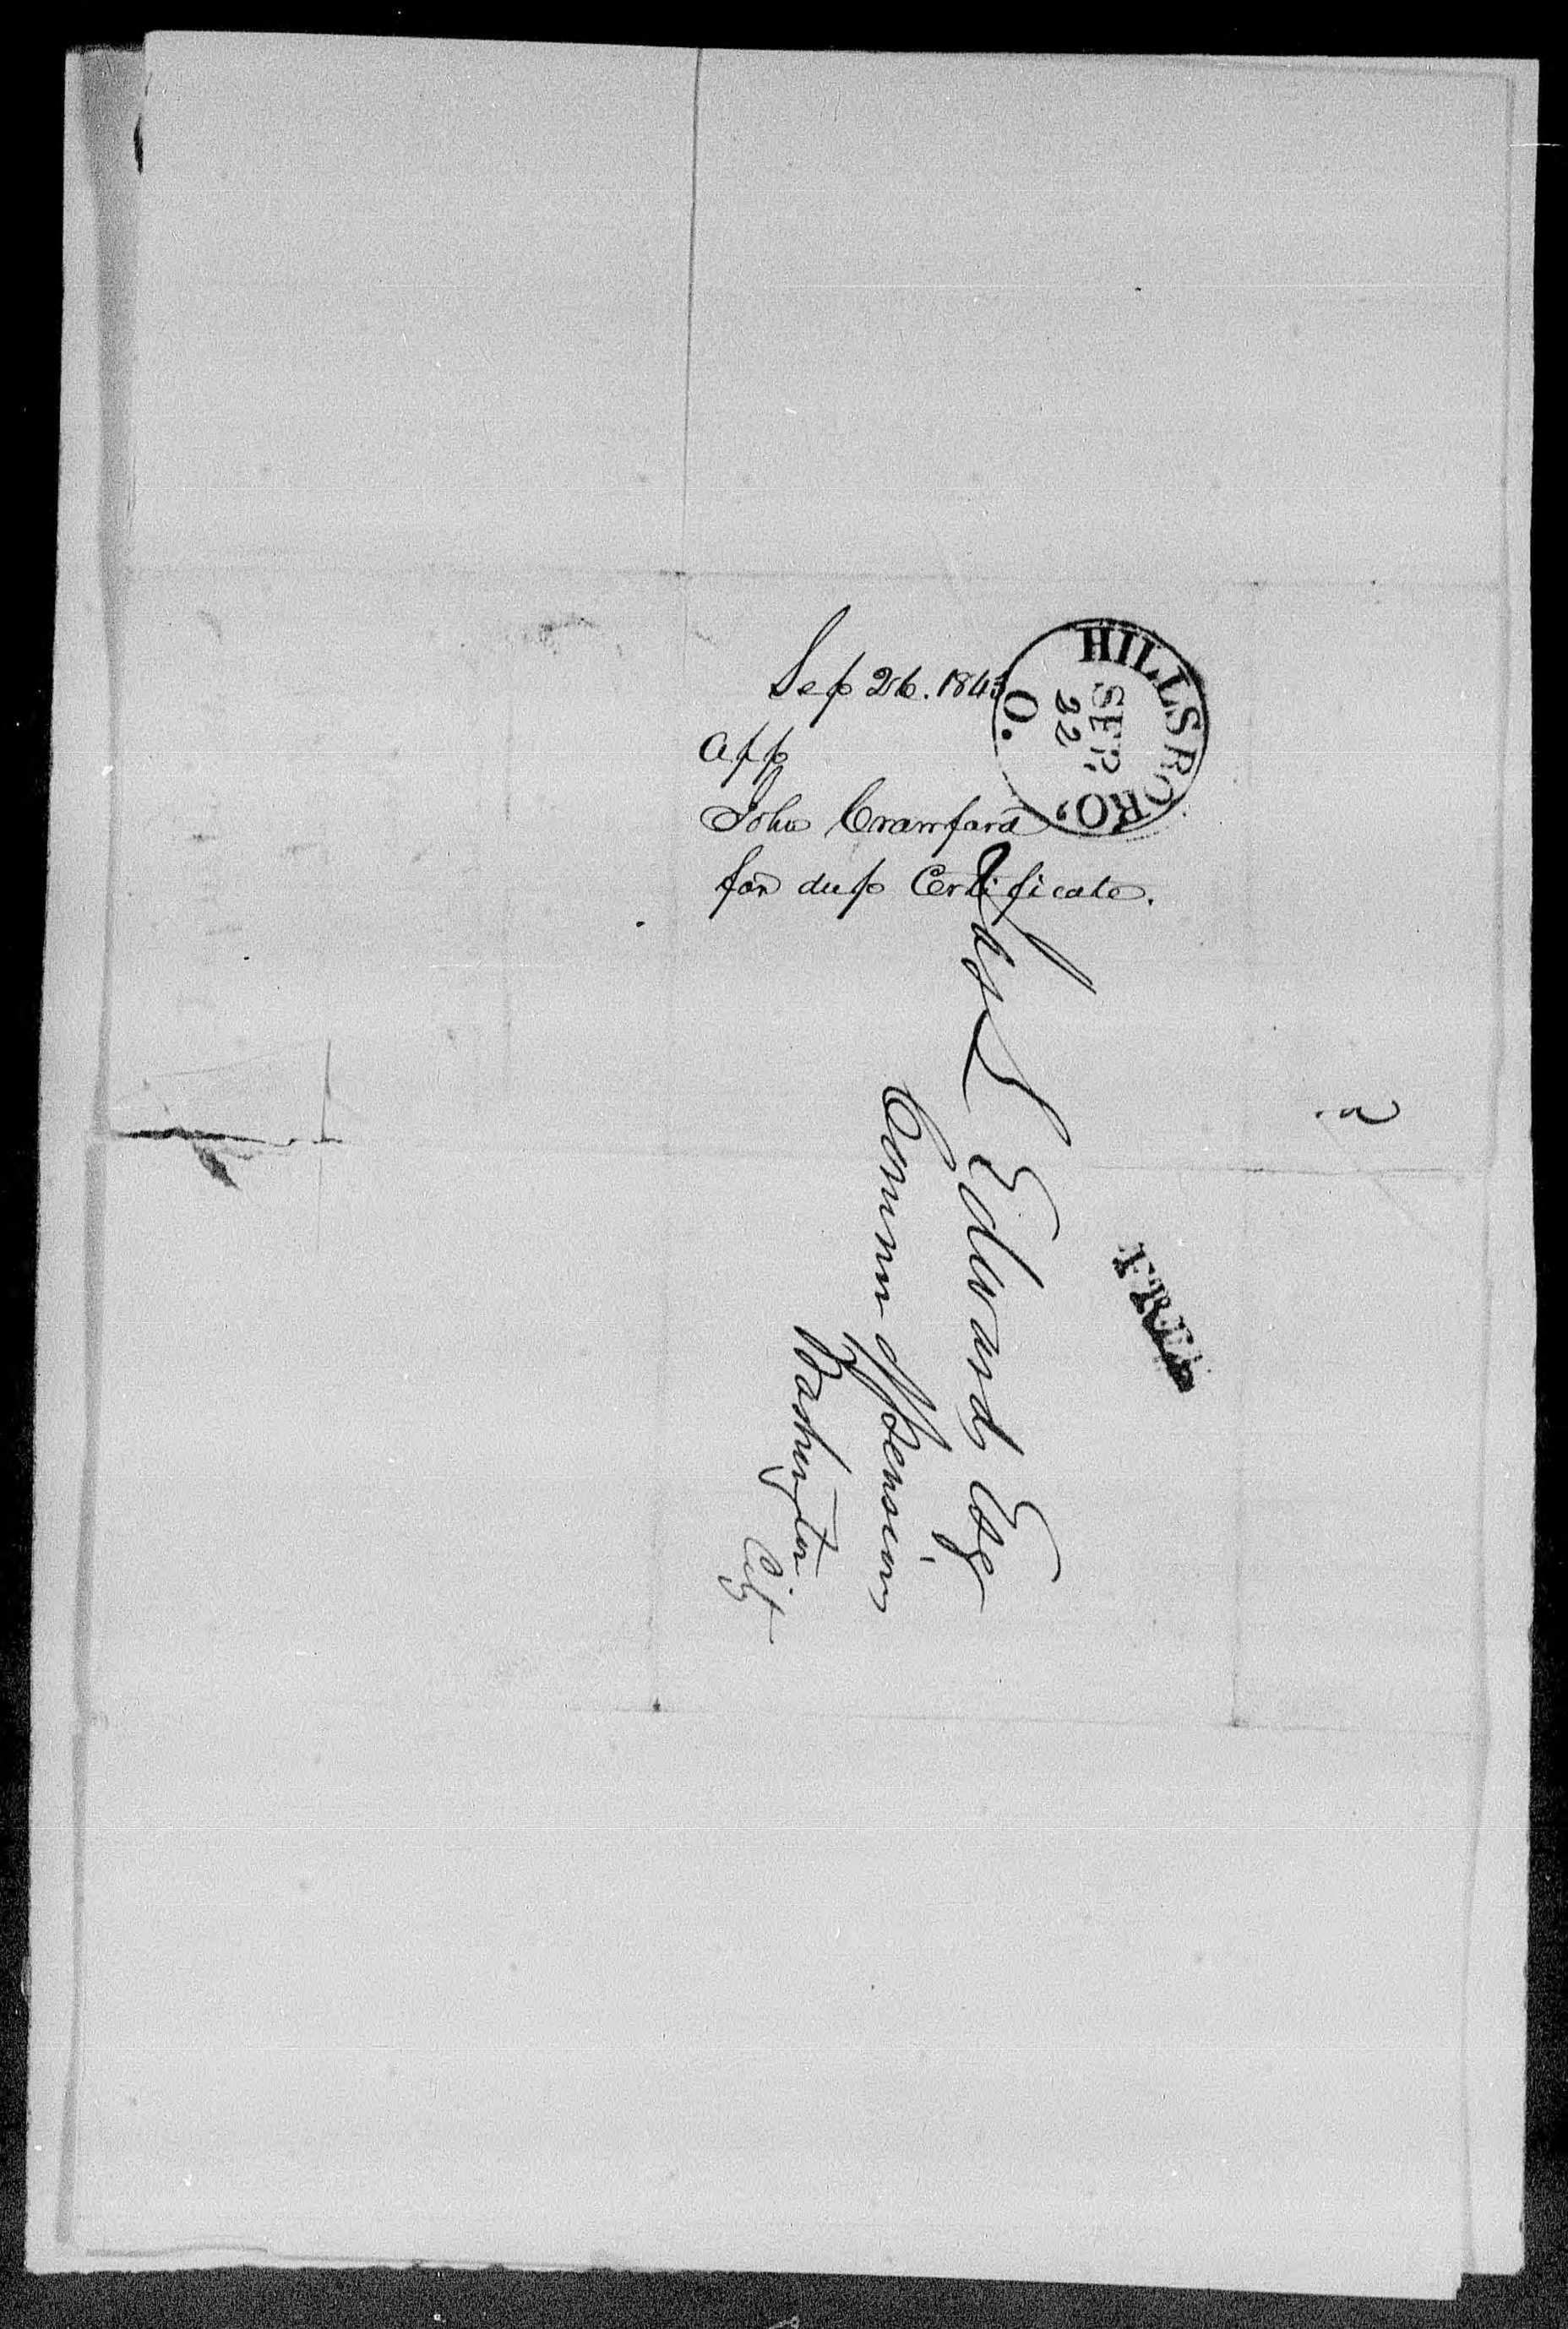[Postal Stamp]
HILLSBORO O.
SEP 22

Sep 26. 1843.
app
John Crawford
for dupl Certificate

FREE
Jas L Edwards Esq
Comm of Pensions
Washington City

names: John Crawford, Jas L Edwards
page: 22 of 80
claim: widow's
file: W 2070, John Crawford, Penn.